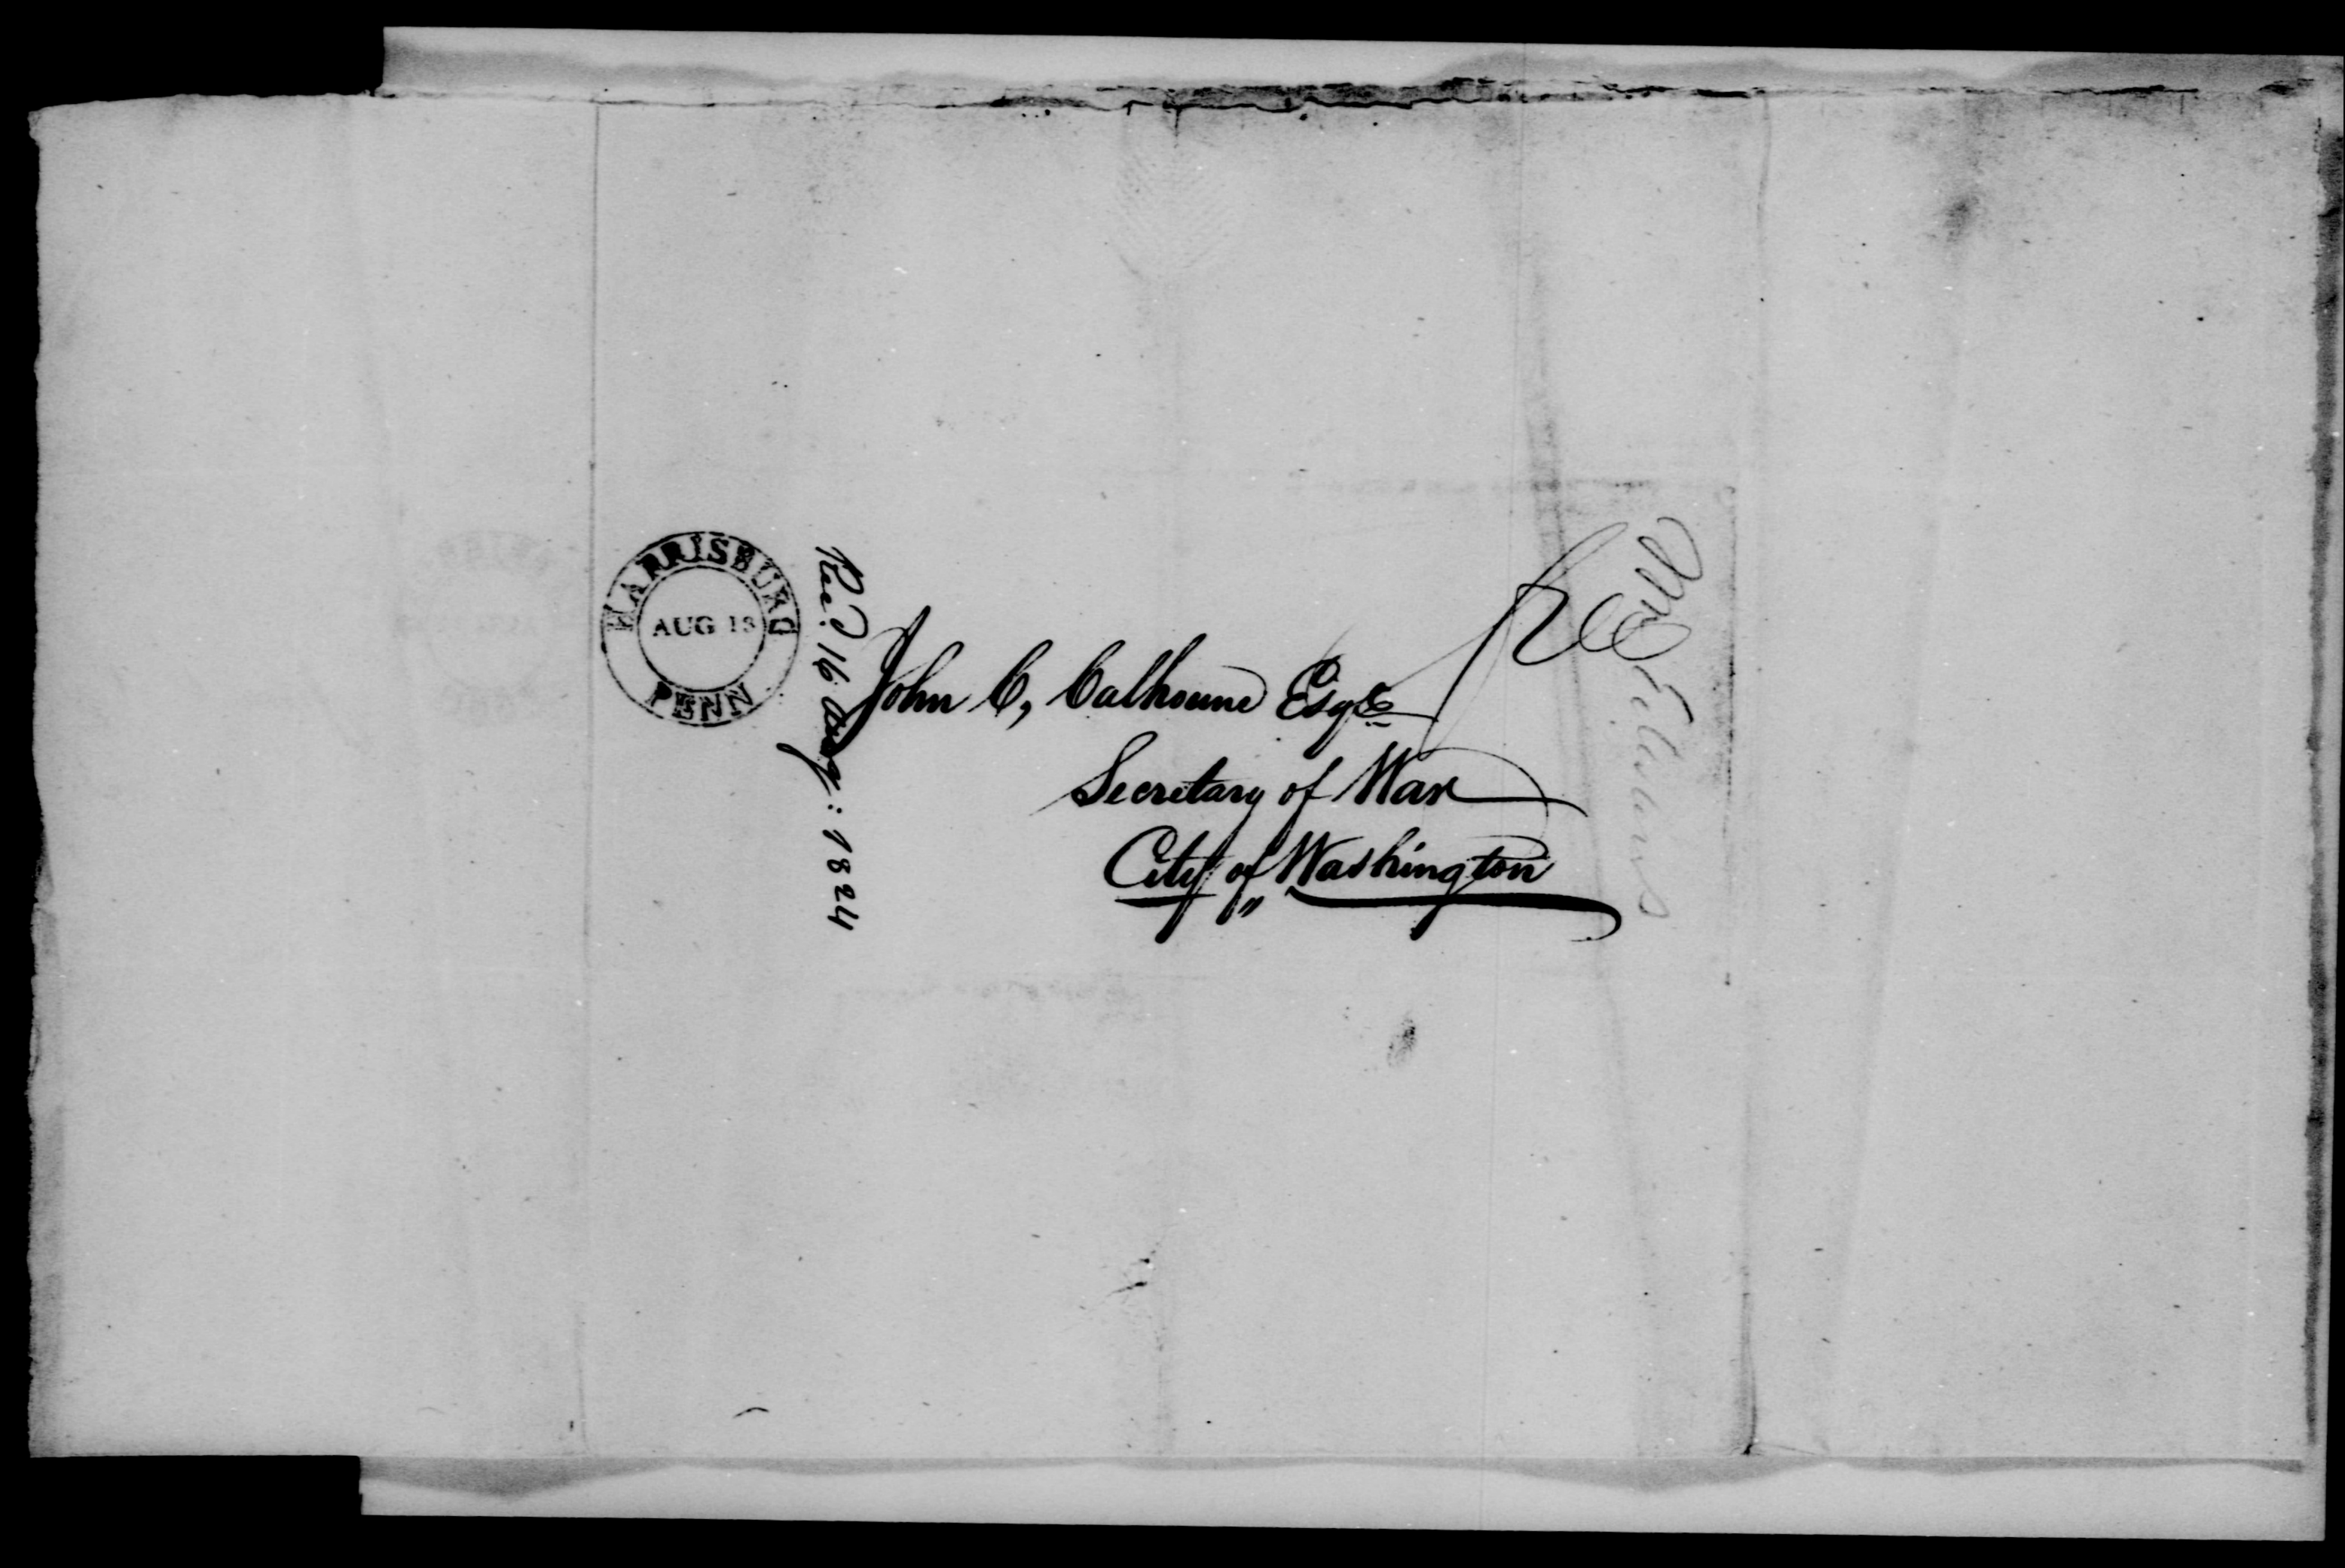{stamp: Harrisburg Penn
Aug 15}
Rec'd 16 Aug. 1824

Free

John C. Calhoun Esq.
Secretary of War
City of Washington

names: John C Calhoune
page: 17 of 20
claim: survivor's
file: S 40454, for Edward Smith, Pennsylvania